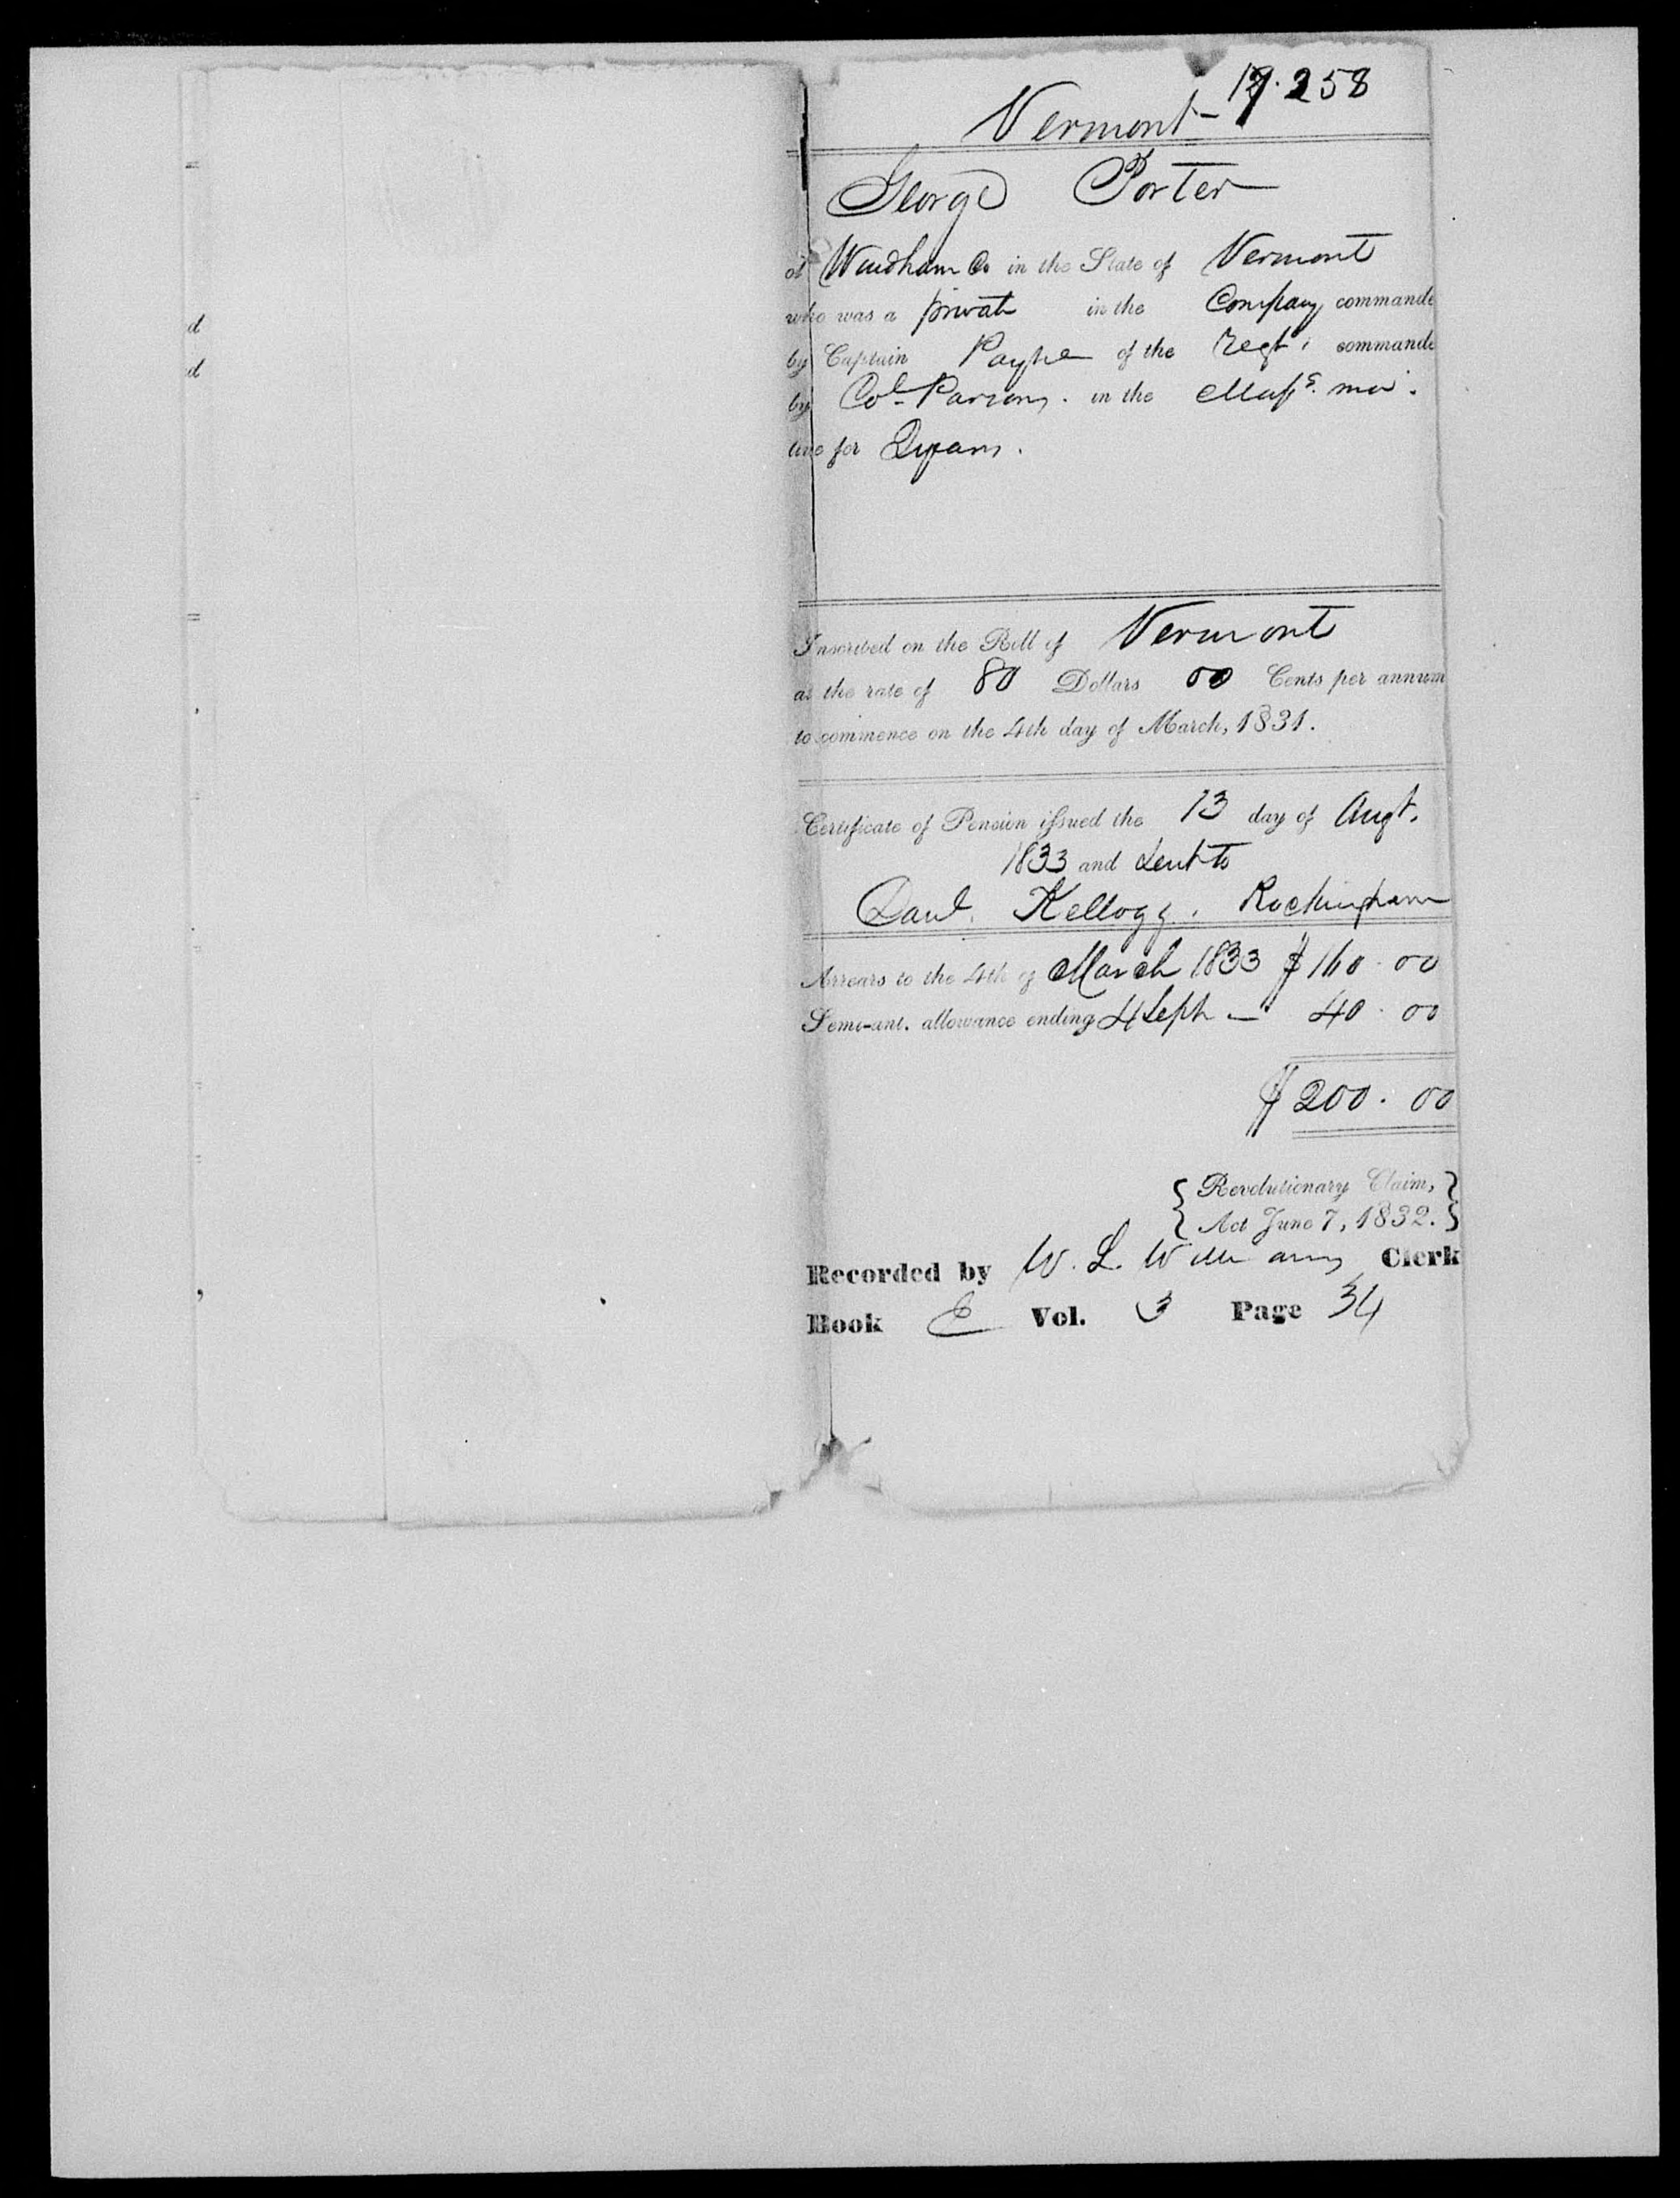Vermont - 17.358

George Porter of Windham Co in the State of Vermont who was a private in the Company commanded by Captain Payne of the Regt. commanded by Col. Parsons in the Mass. ma. line for 2 years.

Inscribed on the Roll of Vermont at the rate of 80 Dollars 00 Cents per annum to commence on the 4th day of March 1834.

Certificate of Pension issued the 13 day of Augt. 1833 and sent to Danl. Kellogg. Rockingham

Arrears to the 4th of March 1833 $160.00
Semi-anl. allowance ending 4 Sept - 40.00
$200.00

{Revolutionary Claim, Act June 7, 1832.}
Recorded by W. L. Williams Clerk
Book E Vol. 3 Page 34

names: Danl Kellogg; [BLANK] Parsons; [BLANK] Payne; W L Williams; George Porter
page: 2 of 49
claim: widow's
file: W. 2164, for George Porter, Massachusetts